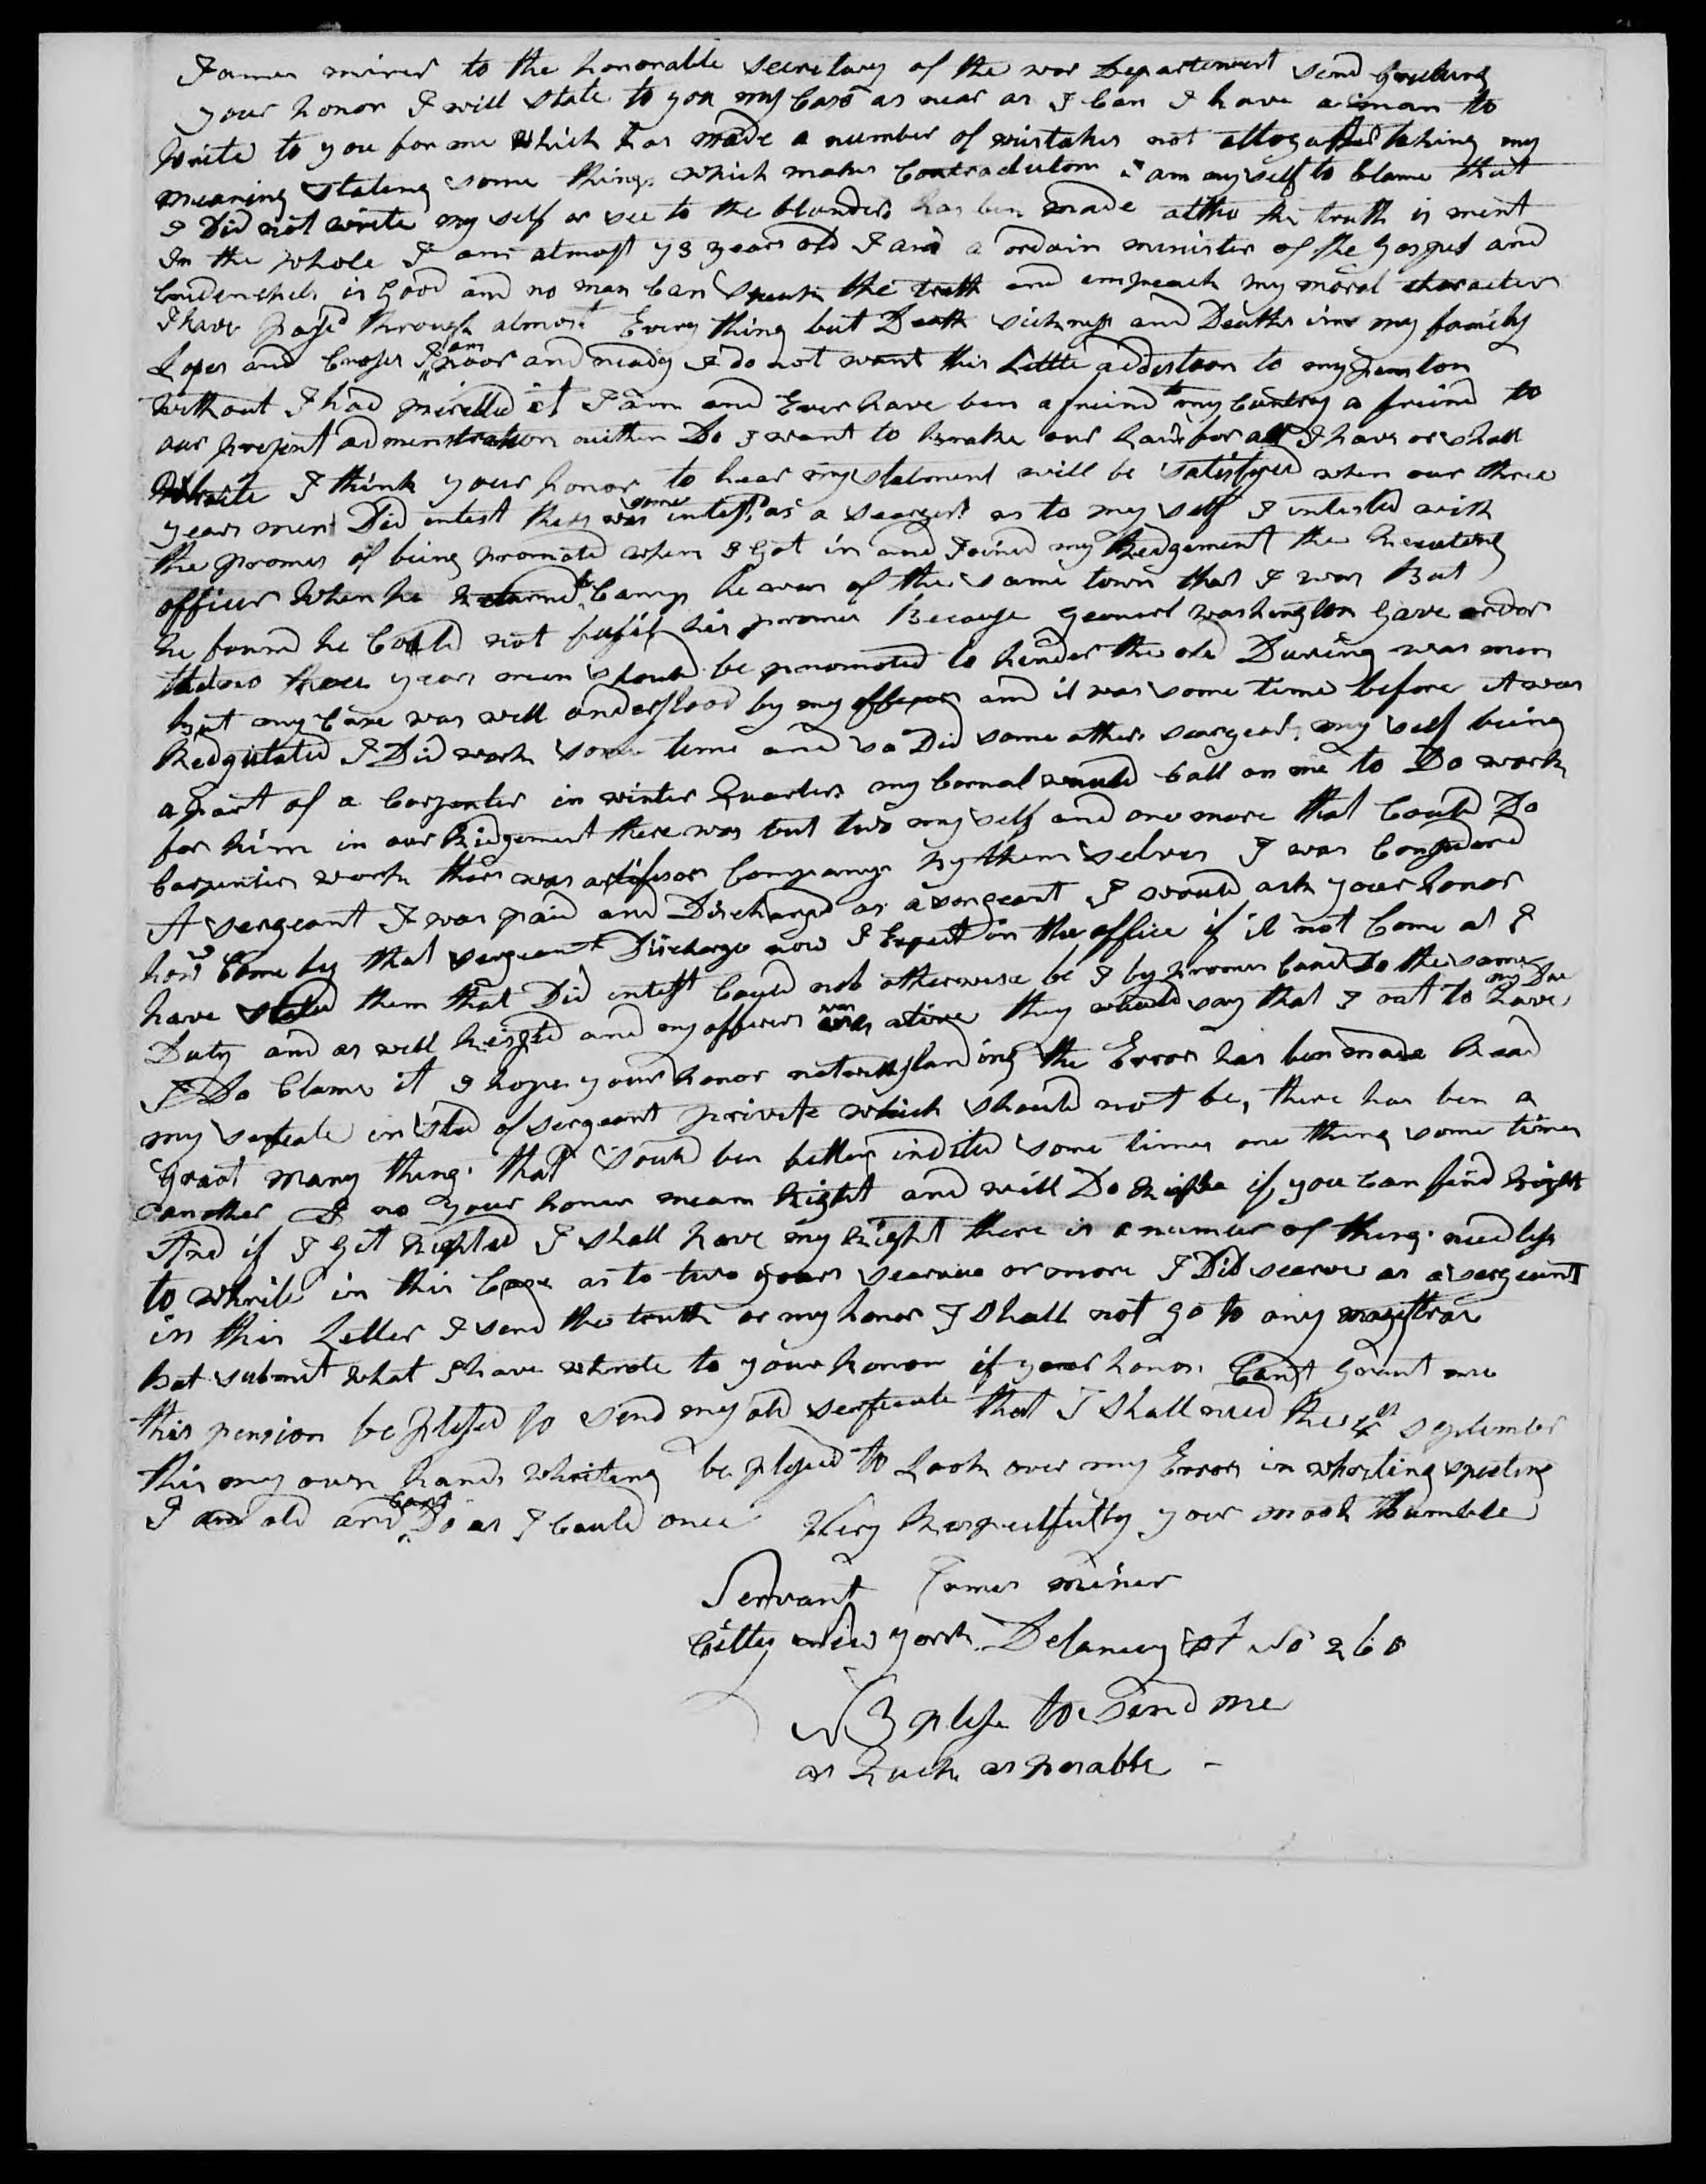James miner to the honorable Secretary of the war Department send Gonburg
Your honor I will state to you my case as near as I can I have a man to write to you for one which has made a number of mistakes not altogether thing my meaning stating some things which makes Contradiction I am myself to blame that
I did not write myself or see to the blunder. has been made altho the truth is ment
In the whole I am almost 73 years old I am a ordain minister of the Gospel and Condenshel is good and no man can speak the truth and impeach my moral character
I have passed through almost Every thing but Death sickness and Death in my family
I open and confer I am poor and ready I do not want this Letter addition to my Jamston
without I had givelled it I am and ever have been a friend my Country a friend to our present administration within Do do I want to brake our hard for all I have or shall [illegible]
I think your honor to hear my statement will be satisfied when our three years men did ontest that war some inlisted as a sergent as to my self I inlisted with the promise of being promoted when I got in and found my Regiment the Resulting officer when he returned to Camp he was of the same town that I was But he found he could not fufil his promise Because General Washington gave order that thou year orun  should be promoted to hinder the old Duning 

was man my care was well understood by my office and it was some time before, it was
Regulated I Did work for time and did some other seat myself being
a part of a Carpenter in winter Quarter my Coonal would call on me to do work
for him in our Ridgement there was but this any self and one more that Court to
themselves I was conquere
Carpenter work this was action Company
Asengrant I bargain and discharged as a sergeant I would ask your honor
some that sinneth Discharge now put in the office if it not come as a
have sold them that did intest could not otherwise be I by land to the
the
duty and as will here and my officers waive they would say that I at to have
To Clame it I hope your honor notorylanding the Exon has ben made had
my estate instead of sergeant privite which should not be, there has been a
many thing that would be better indited some times one thing some time
another I as your home mean Right and will do it if you can find right
And if I get righted I shall have my
right there is a number of things and less
to while in this case as to two four years or more I Did serve as a sergeant
in this Letter I send the truth or my honor I shall not go to any master
not submit what I have wrote to your honor, if your honor a Gount
this pension be plesed to send my old setuate that I shall on the September
this my own hands writing
be played to look over my Error in whating epister
I am old and as I could once
Her Margetfully your most humble
Servant James Miner
Citty New York Delaney of No 260
life to and one
as much as posable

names: James Miner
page: 34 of 39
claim: survivor's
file: S. 23802, for James Miner, Connecticut